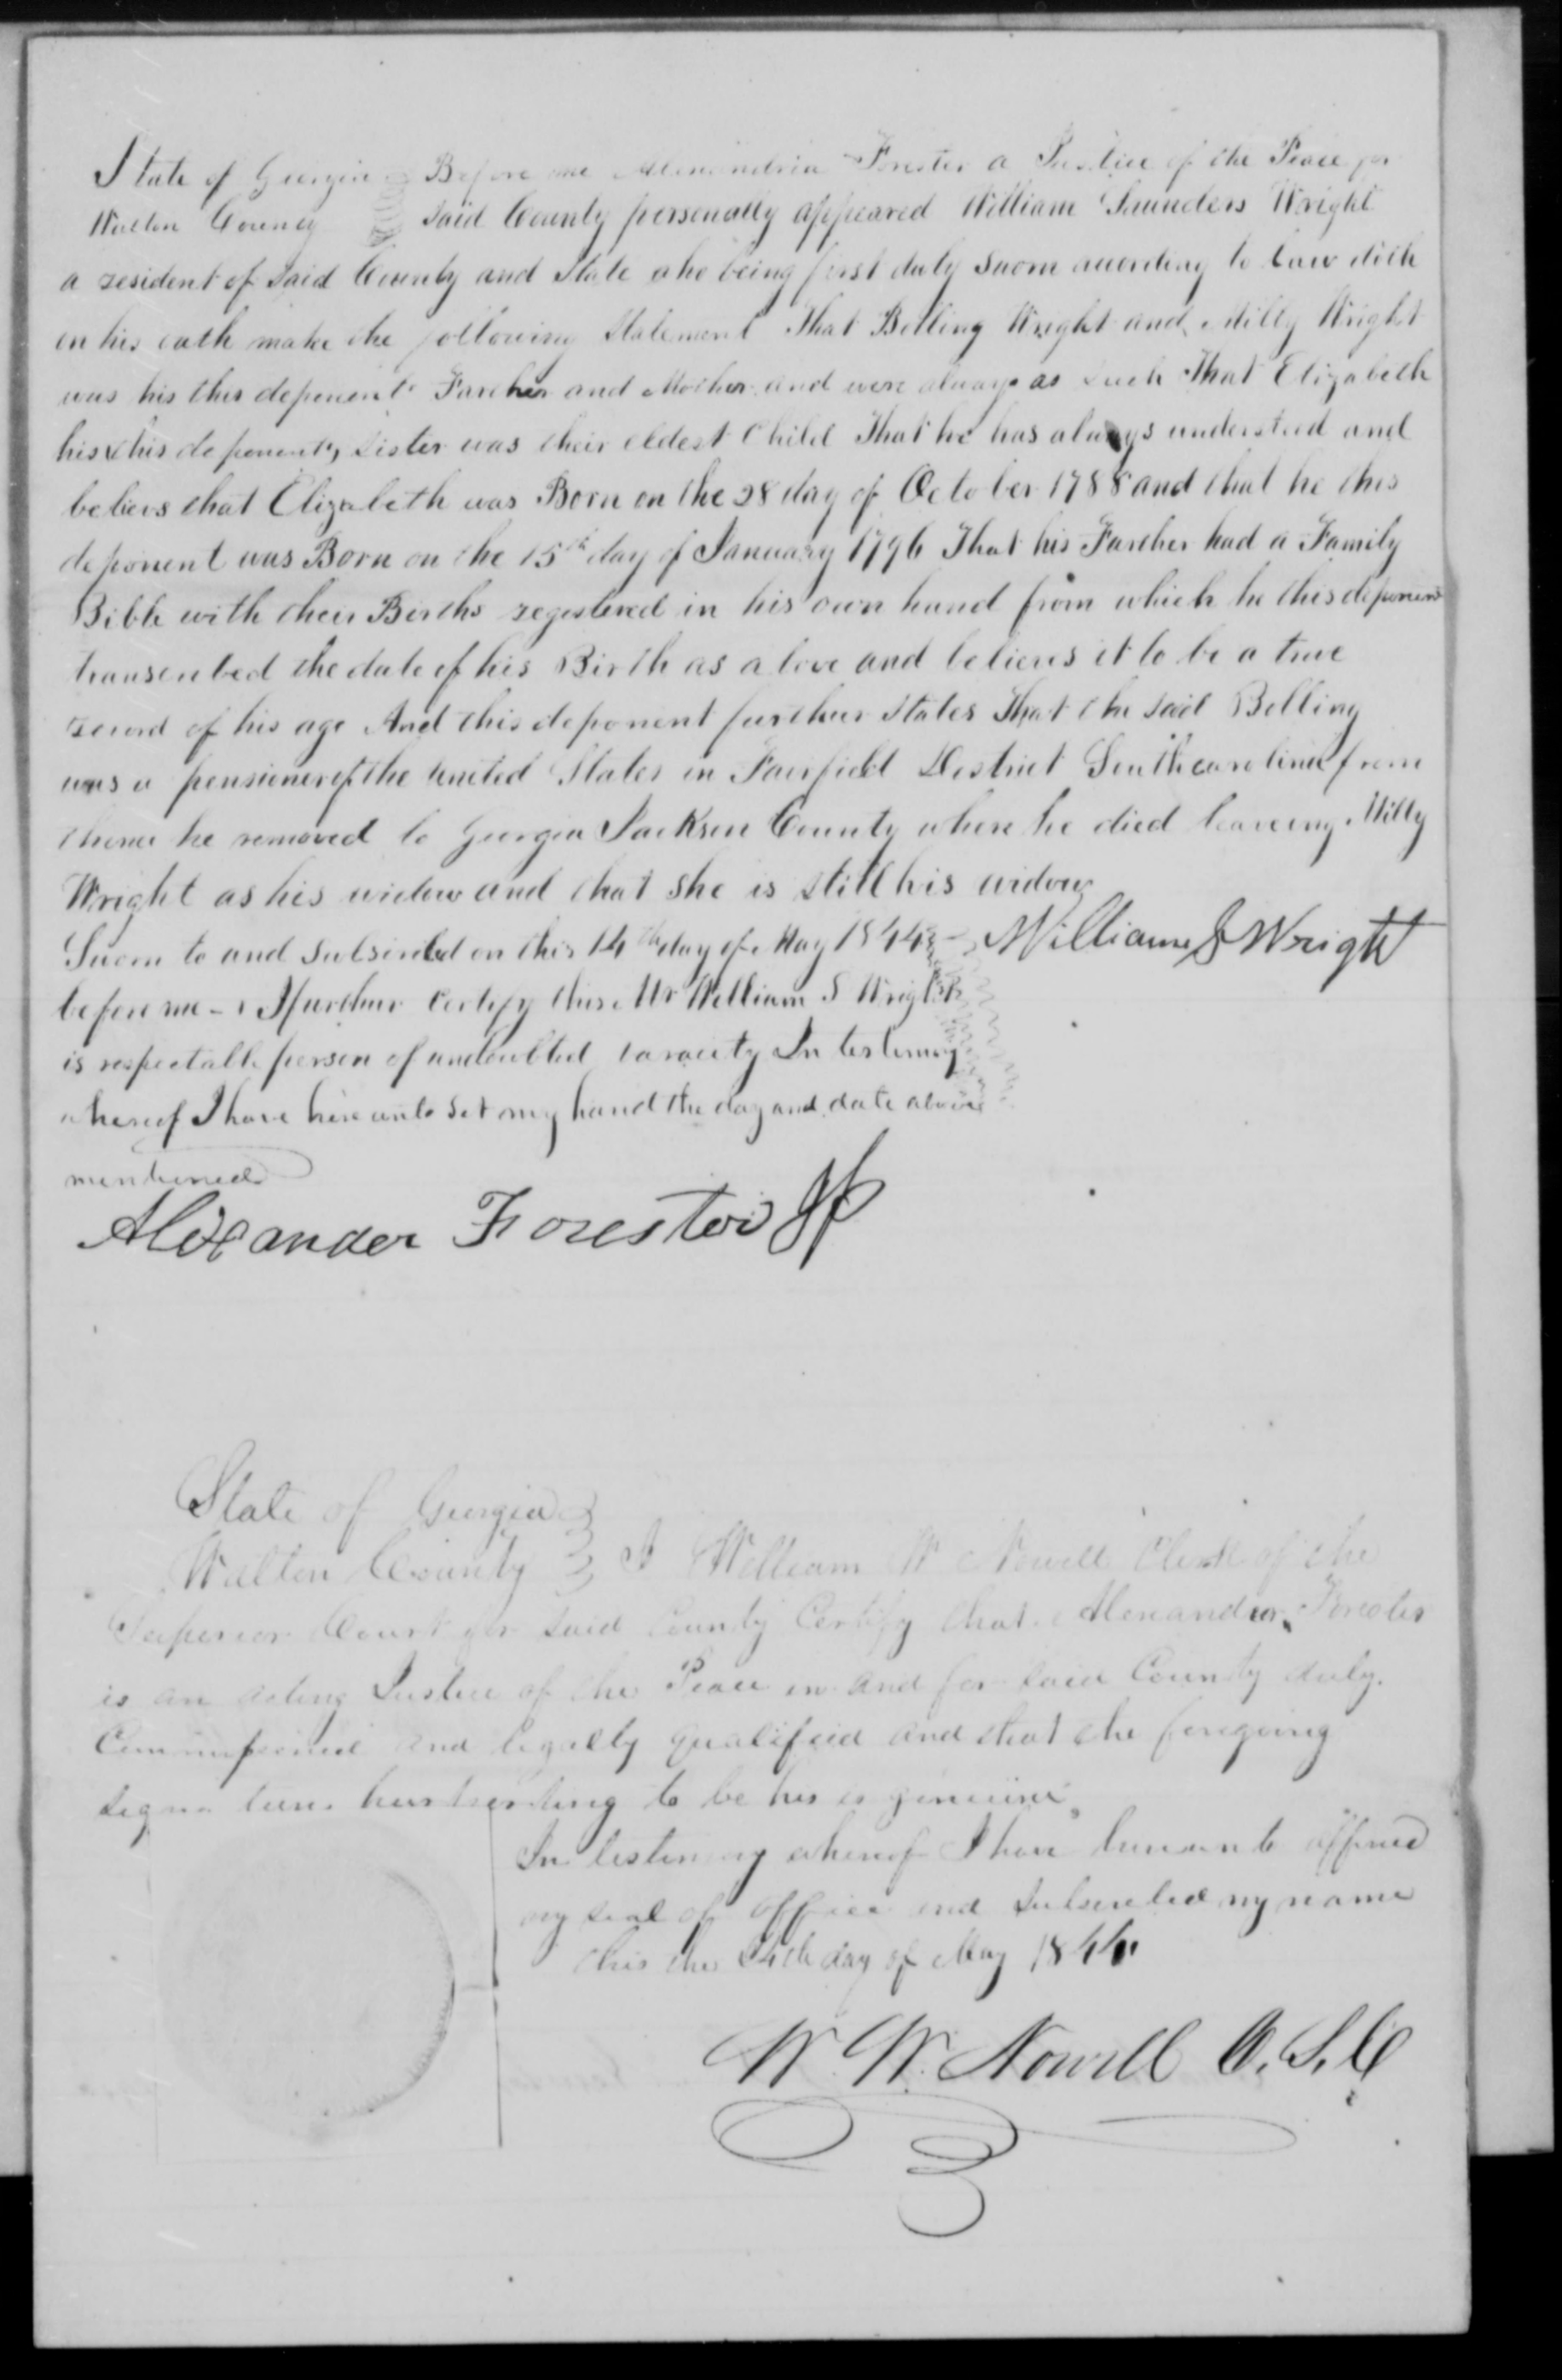State of Georgia Walton County} Before me Alexandria Forester a Justice of the Peace for said County personally appeared William Saunders Wright a resident of said county and State who being first duly sworn according to law doth on his oath make the following statement That Bolling Wright and Milly Wright was his deponent Father and Mother and were always as such that Elizabeth his this deponents sister was their oldest child That he has always understood and believs that Elizabeth was Born on the 28 day of October 1788 and that he this deponent was Born on the 15th day of January 1796 That his Farther had a Family Bible with their Births registered in his own hand from which he this deponent transcribed the date of this Birth as above and believes it to be a true record of his age And this deponent further states that the said Bolling was a pensioner of the United States in Fairfield District South carolina from thence he removed to Georgia Jackson County where he died leaving Milly Wright as his widow and that she is still his widow William S Wright
Sworn to and subscribed on this 14th day of May 1844 before me _ I furthar certify this  Mr. William S Wright is respectable person of undoubted varacity In testimony whereof I have here unto set my hand the day and date above mentioned Alexander Forester JP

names: Elizabeth, William Saunders Wright, Bolling Wright, William W Nowell, Alexander Forester, Milly Wright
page: 28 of 81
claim: widow's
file: W. 5183, Bolling Wright, Va.